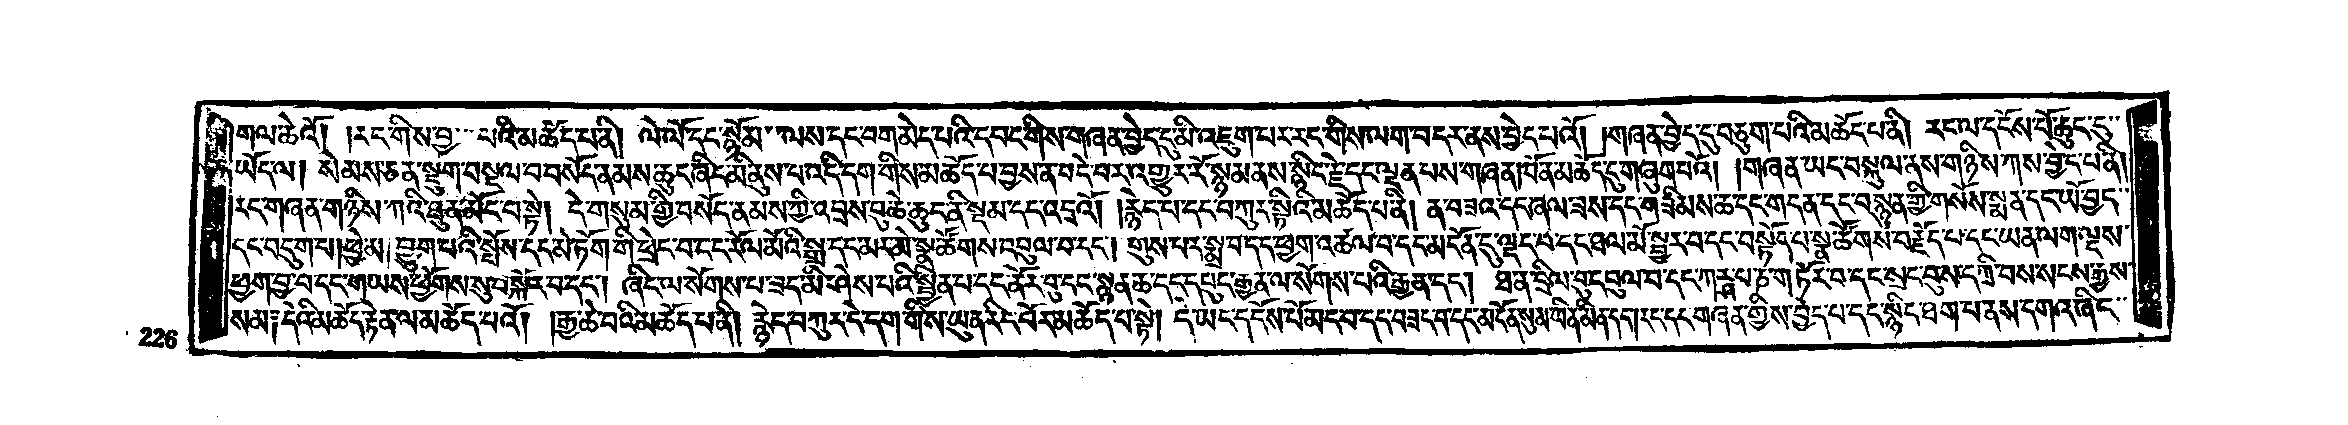གལ་ཆེའོ། །རང་གིས་བྱ་བའི་མཆོད་པ་ནི། ལེ་ལོ་དང་སྙོམ་ལས་དང་བག་མེད་པའི་དབང་གིས་གཞན་བྱེད་དུ་མི་འཇུག་པར་རང་གིས་ལག་བདར་ནས་བྱེད་པའོ། །གཞན་བྱེད་དུ་བཅུག་པའི་མཆོད་པ་ནི། རང་ལ་དངོས་པོ་ཆུང་ངུ་
ཡོད་ལ། སེམས་ཅན་སྡུག་བསྔལ་བ་བསོད་ནམས་ཆུང་ཞིང་མི་ནུས་པ་འདི་དག་གིས་མཆོད་པ་བྱས་ན་བདེ་བར་འགྱུར་རོ་སྙམ་ནས་སྙིང་རྗེ་དང་ལྡན་པས་གཞན་ཁོ་ན་མཆོད་དུ་གཞུག་པའོ། །གཞན་ཡང་བསྐུལ་ནས་གཉིས་ཀས་བྱེད་པ་ནི།
རང་གཞན་གཉིས་ཀའི་ཐུན་མོང་བ་སྟེ། དེ་གསུམ་གྱི་བསོད་ནམས་ཀྱི་འབྲས་བུ་ཆེ་ཆུང་ནི་སྔ་མ་དང་འདྲའོ། །རྙེད་པ་དང་བཀུར་སྟིའི་མཆོད་པ་ནི། ན་བཟའ་དང་ཞལ་ཟས་དང་གཟིམས་ཆ་དང་གདན་དང་བསྙུན་གྱི་གསོས་སྨན་དང་ཡོ་བྱད་
དང་བདུག་པ། ཕྱེ་མ། བྱུག་པའི་སྤོས་དང་མེ་ཏོག་གི་ཕྲེང་བ་དང་རོལ་མོའི་སྒྲ་དང་མར་མེ་སྣ་ཚོགས་འབུལ་བ་དང་། གུས་པར་སྨྲ་བ་དང་ཕྱག་འཚལ་བ་དང་མངོན་དུ་ལྡང་བ་དང་ཐལ་མོ་སྦྱར་བ་དང་བསྟོད་པ་སྣ་ཚོགས་བརྗོད་པ་དང་ཡན་ལག་ལྔས་
ཕྱག་བྱ་བ་དང་གཡས་ཕྱོགས་སུ་བསྐོར་བ་དང་། ཞིང་ལ་སོགས་པ་ཟད་མི་ཤེས་པའི་སྦྱིན་པ་དང་ནོར་བུ་དང་སྙན་ཆ་དང་དཔུང་རྒྱན་ལ་སོགས་པའི་རྒྱན་དང་། ཐ་ན་དྲིལ་བུ་དབུལ་བ་དང་ཀརྴ་པ་ཎ་གཏོར་བ་དང་སྲད་བུས་དཀྲི་བས་སངས་རྒྱས་
སམ༑ དེའི་མཆོད་རྟེན་ལ་མཆོད་པའོ། །རྒྱ་ཆེ་བའི་མཆོད་པ་ནི། རྙེད་བཀུར་དེ་དག་གིས་ཡུན་རིང་པོར་མཆོད་པ་སྟེ། དེ་ཡང་དངོས་པོ་མང་བ་དང་བཟང་བ་དང་མངོན་སུམ་ཡིན་མིན་དང་། རང་དང་གཞན་གྱིས་བྱེད་པ་དང་སྙིང་ཐག་པ་ནས་དགའ་ཞིང་